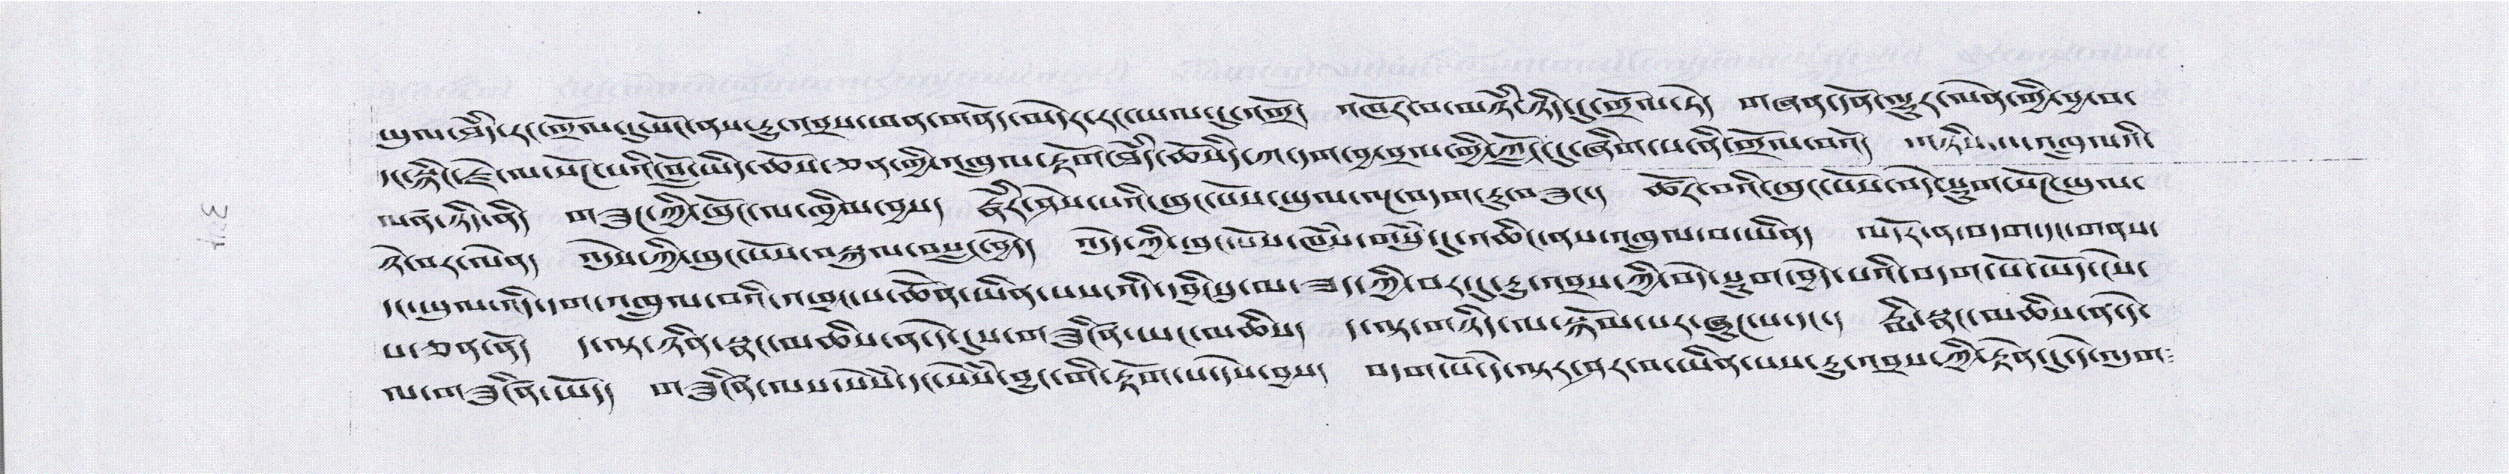ཡུལ་ཐམས་ཅད་རང་གྲོལ་དུ་སོང་ནས་རྒྱུ་འབྲས་ཕན་གནོད་མེད་པར་རང་ཡལ་དུ་འགྲོ། འཁོར་བ་མཉམ་ཉིད་དུ་གྲོལ་ཏེ། གཞན་དོན་ལྷུར་ལེན་གྱི་བྱ་བ་
དང་སྙིང་རྗེ་ལ་སོགས་པའི་བློ་ཡིད་ཆོས་ཅན་གྱི་འཁྲུལ་རྟོག་ཐམས་ཅད་ཆོས་ཉིད་ཀ་དག་བྱ་བྲལ་གྱི་ཀློང་དུ་ཞིག་པ་ནི་གྲོལ་བའོ། གཉིས་པ་འཁྲུལ་བའི་
མཚན་ཉིད་ནི། གཟུགས་ཀྱི་ཕུང་པོ་ལ་ཁྱིམ་བྱས། རྣམ་པར་ཤེས་པའི་ཕུང་པོས་ཡུལ་ལྔ་བདག་ཏུ་བཟུང། ཚོར་བའི་ཕུང་པོས་བདེ་སྡུག་སོགས་ཡུལ་
ཉེ་བར་ལེན། འདུ་ཤེས་ཀྱི་ཕུང་པོས་བསྐུལ་བསླང་བྱེད། འདུ་བྱེད་ཀྱི་ཕུང་པོས་ཁམས་གསུམ་དུ་འཆིང་ནས་འཁྲུལ་བ་ཡིན། མདོར་ན་བདག་དང་གནས་
དང་ཡུལ་འདི་དག་འཁྲུལ་བའི་འཕྱང་བ་ཆེན་པོ་ཡིན་པས་འདི་དབྱིངས་སུ་མ་ཟད་ཀྱི་བར་དུ་རྒྱུ་འབྲས་ཀྱི་བདེ་སྡུག་བྱེད་པའི་བདག་པོ་ཡོད་ངེས་
པ་ཅན་ནོ། ད་ལྟ་ཉིན་སྣང་མཆིས་ན་དེ་དུས་གཟུང་འཛིན་ཡང་མཆིས། ད་ལྟ་གཉིད་ལ་སྐོམ་པར་ཞུགས་པ་དང། རྨི་སྣང་མཆིས་ན་དེ་
ལ་གཟུང་འཛིན་ཡོད། གཟུང་འཛིན་ལས་སེམས་དང་སེམས་བྱུང་གི་རྟོག་པ་དེས་བྱས། བདག་པོ་དེ་ལྟར་ཤར་བ་ཡིན་པས་རྒྱུ་འབྲས་ཀྱི་རྟེན་དུ་དེ་འདུག་